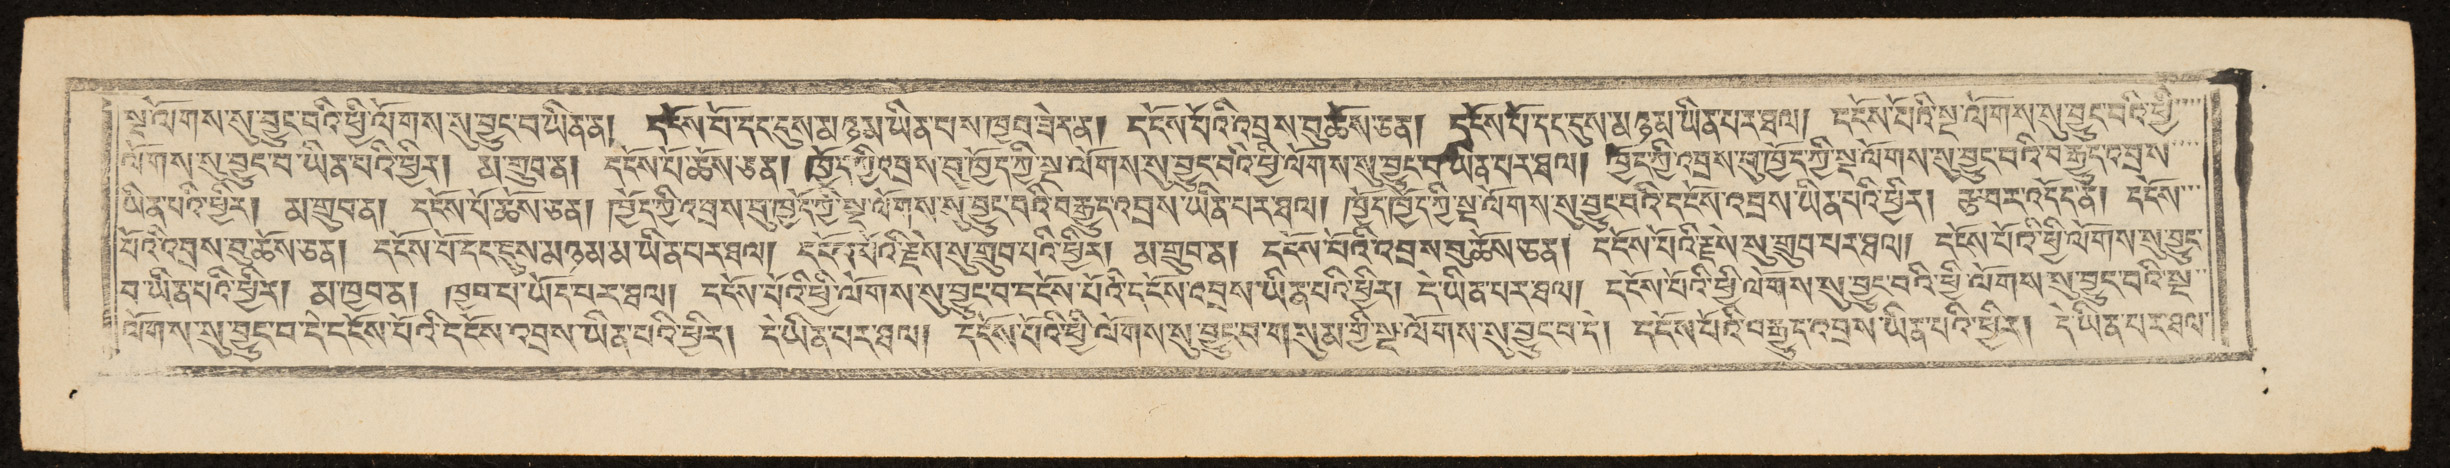སྔ་ལོགས་སུ་བྱུང་བའི་ཕྱི་ལོགས་སུ་བྱུང་བ་ཡིན་ན། དངོས་པོ་དང་དུས་མཉམ་ཡིན་པས་ཁྱབ་ཟེར་ན། དངོས་པོའི་འབྲས་བུ་ཆོས་ཅན། དངོས་པོ་དང་དུས་མཉམ་ཡིན་པར་ཐལ། དངོས་པོའི་སྔ་ལོགས་སུ་བྱུང་བའི་ཕྱི་
ལོགས་སུ་བྱུང་བ་ཡིན་པའི་ཕྱིར། མ་གྲུབ་ན། དངོས་པོ་ཆོས་ཅན། ཁྱོད་ཀྱི་འབྲས་བུ་ཁྱོད་ཀྱི་སྔ་ལོགས་སུ་བྱུང་བའི་ཕྱི་ལོགས་སུ་བྱུང་བ་ཡིན་པར་ཐལ། ཁྱོད་ཀྱི་འབྲས་བུ་ཁྱོད་ཀྱི་སྔ་ལོགས་སུ་བྱུང་བའི་བརྒྱུད་འབྲས་
ཡིན་པའི་ཕྱིར། མ་གྲུབ་ན། དངོས་པོ་ཆོས་ཅན། ཁྱོད་ཀྱི་འབྲས་བུ་ཁྱོད་ཀྱི་སྔ་ལོགས་སུ་བྱུང་བའི་བརྒྱུད་འབྲས་ཡིན་པར་ཐལ། ཁྱོད་ཁྱོད་ཀྱི་སྔ་ལོགས་སུ་བྱུང་བའི་དངོས་འབྲས་ཡིན་པའི་ཕྱིར། རྩ་བར་འདོད་ན། དངོས་
པོའི་འབྲས་བུ་ཆོས་ཅན། དངོས་པོ་དང་དུས་མཉམ་མ་ཡིན་པར་ཐལ། དངོས་པོའི་རྗེས་སུ་གྲུབ་པའི་ཕྱིར། མ་གྲུབ་ན། དངོས་པོའི་འབྲས་བུ་ཆོས་ཅན། དངོས་པོའི་རྗེས་སུ་གྲུབ་པར་ཐལ། དངོས་པོའི་ཕྱི་ལོགས་སུ་བྱུང་
བ་ཡིན་པའི་ཕྱིར། མ་ཁྱབ་ན། ཁྱབ་པ་ཡོད་པར་ཐལ། དངོས་པོའི་ཕྱི་ལོགས་སུ་བྱུང་བ་དངོས་པོའི་དངོས་འབྲས་ཡིན་པའི་ཕྱིར། དེ་ཡིན་པར་ཐལ། དངོས་པོའི་ཕྱི་ལོགས་སུ་བྱུང་བའི་ཕྱི་ལོགས་སུ་བྱུང་བའི་སྔ་
ལོགས་སུ་བྱུང་བ་དེ་དངོས་པོའི་དངོས་འབྲས་ཡིན་པའི་ཕྱིར། དེ་ཡིན་པར་ཐལ། དངོས་པོའི་ཕྱི་ལོགས་སུ་བྱུང་བ་གསུམ་གྱི་སྔ་ལོགས་སུ་བྱུང་བ་དེ། དངོས་པོའི་བརྒྱུད་འབྲས་ཡིན་པའི་ཕྱིར། དེ་ཡིན་པར་ཐལ།